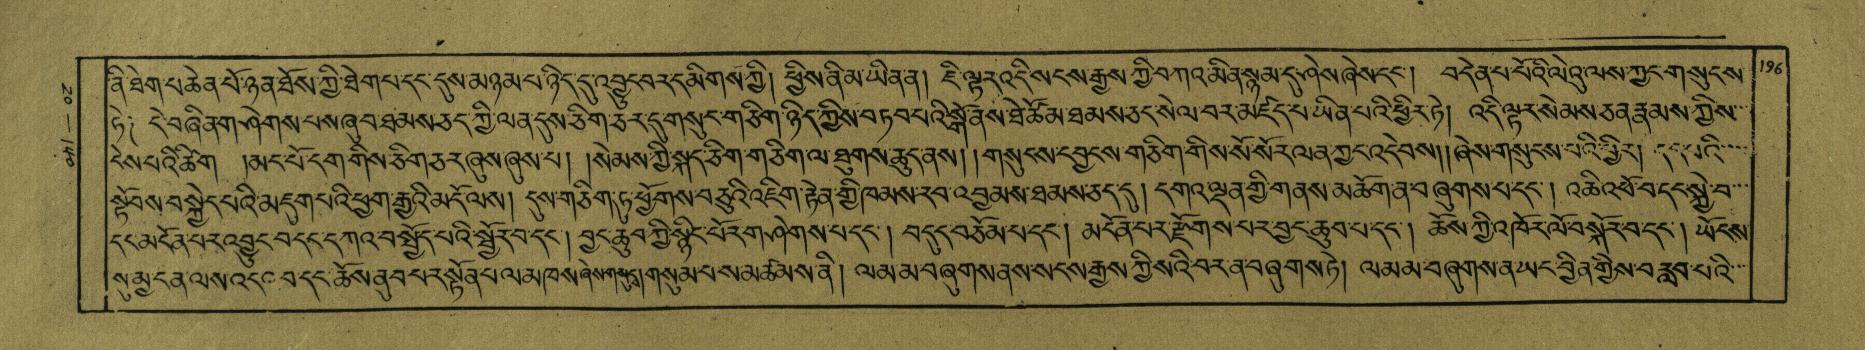ནི་ཐེག་པ་ཆེན་པོ་ཉན་ཐོས་ཀྱི་ཐེག་པ་དང་དུས་མཉམ་པ་ཉིད་དུ་འབྱུང་བར་དམིགས་ཀྱི། ཕྱིས་ནི་མ་ཡིན་ན། ཇི་ལྟར་འདི་སངས་རྒྱས་ཀྱི་བཀའ་མིན་སྙམ་དུ་ཤེས་ཞེས་དང་། བདེན་པ་པོའི་ལེའུ་ལས་ཀྱང་གསུངས་
ཏེ༑ དེ་བཞིན་གཤེགས་པས་ཞུ་བ་ཐམས་ཅད་ཀྱི་ལན་དུས་ཅིག་ཅར་དུ་གསུང་གཅིག་ཉིད་ཀྱིས་བཏབ་པའི་སྒོ་ནས་ཐེ་ཚོམ་ཐམས་ཅད་སེལ་བར་མཛད་པ་ཡིན་པའི་ཕྱིར་ཏེ། འདི་ལྟར་སེམས་ཅན་རྣམས་ཀྱིས་
ངེས་པའི་ཚིག །མང་པོ་དག་གིས་ཅིག་ཅར་ཞུས་ཞུས་པ། །སེམས་ཀྱི་སྐད་ཅིག་གཅིག་ལ་ཐུགས་ཆུད་ནས། །གསུངས་དབྱངས་གཅིག་གིས་སོ་སོར་ལན་ཀྱང་འདེབས། །ཞེས་གསུངས་པའི་ཕྱིར། དད་པའི་
སྟོབས་བསྐྱེད་པའི་མཇུག་པའི་ཕྱག་རྒྱའི་མདོ་ལས། དུས་གཅིག་ཏུ་ཕྱོགས་བཅུའི་འཇིག་རྟེན་གྱི་ཁམས་རབ་འབྱམས་ཐམས་ཅད་དུ། དགའ་ལྡན་གྱི་གནས་མཆོག་ན་བཞུགས་པ་དང་། འཆི་འཕོ་བ་དང་སྐྱེ་བ་
དང་མངོན་པར་འབྱུང་བ་དང་དཀའ་བ་སྤྱོད་པའི་སྦྱོར་བ་དང་། བྱང་ཆུབ་ཀྱི་སྙིང་པོར་གཤེགས་པ་དང་། བདུད་བཅོམ་པ་དང་། མངོན་པར་རྫོགས་པར་བྱང་ཆུབ་པ་དང་། ཆོས་ཀྱི་འཁོར་ལོ་བསྐོར་བ་དང་། ཡོངས་
སུ་མྱ་ངན་ལས་འདའ་བ་དང་ཆོས་ནུབ་པར་སྟོན་པ་ལ་མཁས་ཞེས་གསུངས། གསུམ་པ་ས་མཚམས་ནི། ལམ་མ་བཞུགས་ནས་སངས་རྒྱས་ཀྱི་སའི་བར་ན་བཞུགས་ཏེ། ལམ་མ་བཞུགས་ན་ཡང་བྱིན་གྱིས་བརླབ་པའི་